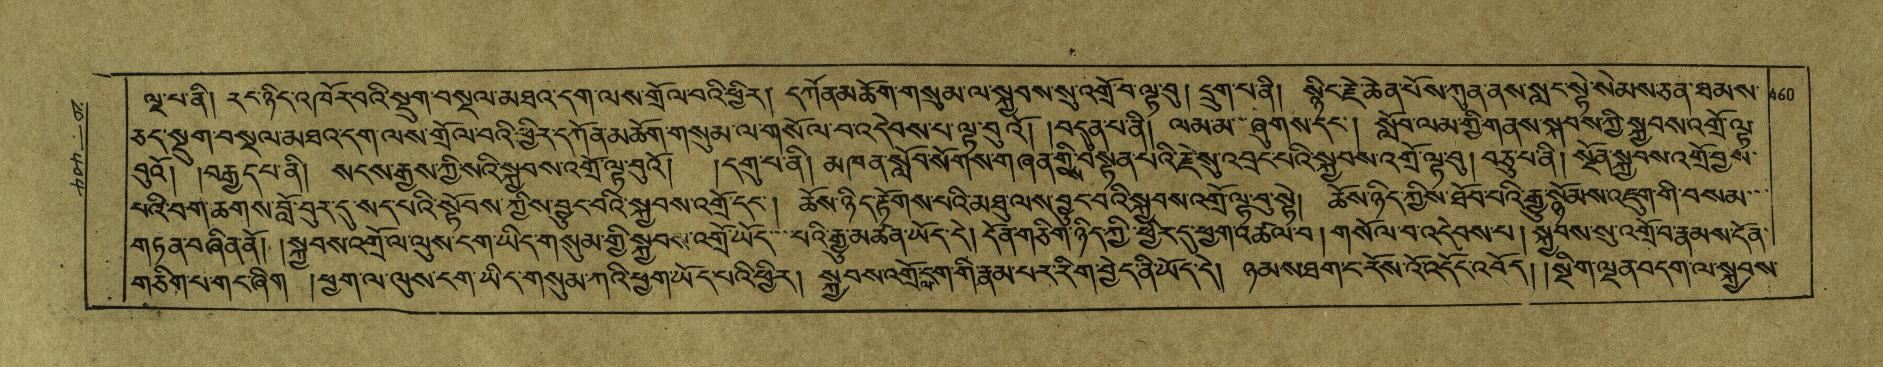ལྔ་པ་ནི། རང་ཉིད་འཁོར་བའི་སྡུག་བསྔལ་མཐའ་དག་ལས་གྲོལ་བའི་ཕྱིར། དཀོན་མཆོག་གསུམ་ལ་སྐྱབས་སུ་འགྲོ་བ་ལྟ་བུ། དྲུག་པ་ནི། སྙིང་རྗེ་ཆེན་པོས་ཀུན་ནས་སླང་སྟེ་སེམས་ཅན་ཐམས་
ཅད་སྡུག་བསྔལ་མཐའ་དག་ལས་གྲོལ་བའི་ཕྱིར་དཀོན་མཆོག་གསུམ་ལ་གསོལ་བ་འདེབས་པ་ལྟ་བུའོ། །བདུན་པ་ནི། ལམ་མ་ཞུགས་དང་། སློབ་ལམ་གྱི་གནས་སྐབས་ཀྱི་སྐྱབས་འགྲོ་ལྟ་
བུའོ། །བརྒྱད་པ་ནི། སངས་རྒྱས་ཀྱི་སའི་སྐྱབས་འགྲོ་ལྟ་བུའོ། །དགུ་པ་ནི། མཁན་སློབ་སོགས་གཞན་གྱིས་བསྟན་པའི་རྗེ་སུ་འབྲང་པའི་སྐྱབས་འགྲོ་ལྟ་བུ། བཅུ་པ་ནི། སྔོན་སྐྱབས་འགྲོ་བྱས་
པའི་བག་ཆགས་བློ་བུར་དུ་སད་པའི་སྟོབས་ཀྱིས་བྱུང་བའི་སྐྱབས་འགྲོ་དང་། ཆོས་ཉིད་རྟོགས་པའི་མཐུ་ལས་བྱུང་བའི་སྐྱབས་འགྲོ་ལྟ་བུ་སྟེ། ཆོས་ཉིད་ཀྱིས་ཐོབ་པའི་རྒྱུ་སྙོམས་འཇུག་གི་བསམ་
གཏན་བཞིན་ནོ། །སྐྱབས་འགྲོ་ལ་ལུས་ངག་ཡིད་གསུམ་གྱི་སྐྱབས་འགྲོ་ཡོད་པའི་རྒྱུ་མཚན་ཡོད་དེ། དོན་གཅིག་ཉིད་ཀྱི་ཕྱིར་དུ་ཕྱག་འཚལ་བ། གསོལ་བ་འདེབས་པ། སྐྱབས་སུ་འགྲོ་བ་རྣམས་དོན་
གཅིག་པ་གང་ཞིག །ཕྱག་ལ་ལུས་ངག་ཡིད་གསུམ་ཀའི་ཕྱག་ཡོད་པའི་ཕྱིར། སྐྱབས་འགྲོལ་ལ་ངག་གི་རྣམ་པར་རིག་བྱེད་ནི་ཡོད་དེ། ཉམས་ཐག་ང་རོས་འོ་འདོད་འབོད། །སྡིག་ལྡན་བདག་ལ་སྐྱབས་